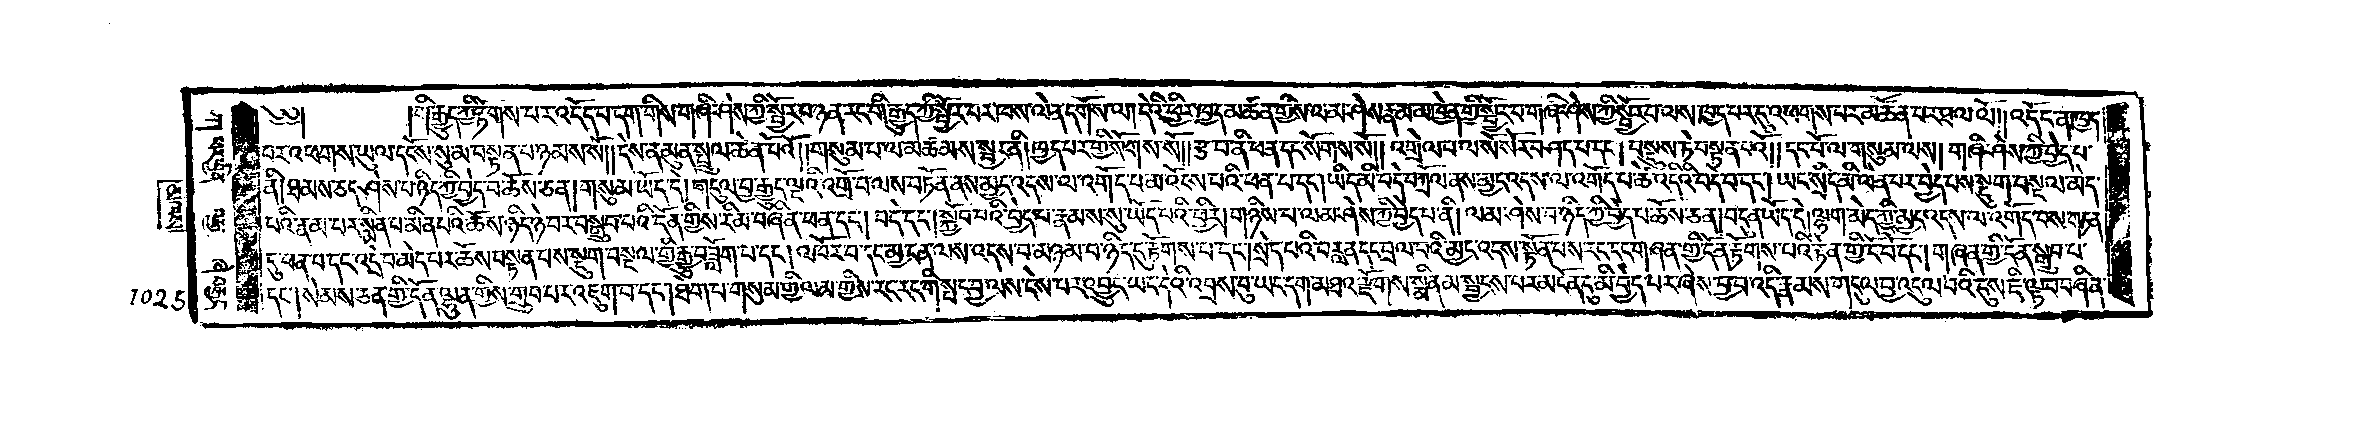༄༅། །གི་རྒྱུད་ཀྱི་རྟོགས་པར་འདོད་པ་དག་གིས་གཞི་ཤེས་ཀྱི་སྦྱོར་བ་ཉན་རང་གི་རྒྱུད་ཀྱི་སྦྱོར་པར་ཁས་ལེན་དགོས་ལ། དེའི་ཕྱིར་ཁད་མཚན་གྱིས་ལམ་ཤེས་རྣམ་མཁྱེན་གྱི་སྦྱོར་བ་གཞི་ཤེས་ཀྱི་སྦྱོར་བ་ལས་ཁྱད་པར་དུ་འཕགས་པར་མཚོན་པར་ཐལ་ལོ། །འདོད་ན་ཁྱད་
པར་འཕགས་ཡུལ་དངོས་སུ་མ་བསྟན་པ་ཉམས་སོ། །དེས་ན་མུན་སྤྲུལ་ཆེན་པོའོ། །གསུམ་པ་ལ་མཚམས་སྦྱར་ནི། ཁྱད་པར་གྱི་སོགས་སོ། །རྩ་བ་ནི་ཕན་དང་སོགས་སོ། །འགྲེལ་བ་ལ་སོ་སོར་བཤད་པ་དང་། བསྡུས་ཏེ་བསྟན་པའོ། །དང་པོ་ལ་གསུམ་ལས། གཞི་ཤེས་ཀྱི་བྱེད་པ་
ནི། ཐམས་ཅད་ཤེས་པ་ཉིད་ཀྱི་བྱེད་བ་ཆོས་ཅན། གསུམ་ཡོད་དེ། གདུལ་བྱ་རྒྱུད་ལྔའི་འགྲོ་བ་ལས་བཏོན་ནས་མྱང་འདས་ལ་འགོད་པ་མ་འོངས་པའི་ཕན་པ་དང་། ཡིད་མི་བདེ་བཀྲོལ་ནས་མྱང་འདས་ལ་འགོད་པ་ཚེ་འདིའི་བདེ་བ་དང་། ཡང་སྲིད་མི་ལེན་པར་བྱེད་པས་སྡུག་བསྔལ་མེད་
པའི་རྣམ་པར་སྨིན་པ་མིན་པའི་ཆོས་ཉིད་ཉེ་བར་བསྒྲུབ་པའི་དོན་གྱིས་རིམ་བཞིན་ཕན་དང་། བདེ་དང་། སྐྱོབ་པའི་བྱེད་པ་རྣམས་སུ་ཡོད་པའི་ཕྱིར། གཉིས་པ་ལམ་ཤེས་ཀྱི་བྱེད་པ་ནི། ལམ་ཤེས་པ་ཉིད་ཀྱི་བྱེད་པ་ཆོས་ཅན། བདུན་ཡོད་དེ། ལྷག་མེད་ཀྱི་མྱང་འདས་ལ་འགོད་པས་གཏན་
དུ་ཕན་པ་དང་འདྲེ་བ་མེད་པར་ཆོས་བསྟན་པས་སྡུག་བསྔལ་གྱི་རྒྱུ་བཟློག་པ་དང་། འཁོར་བ་དང་མྱ་ངན་ལས་འདས་བ་མཉམ་པ་ཉིད་དུ་རྟོགས་པ་དང་། སྲེད་པའི་བརླན་དང་བྲལ་བའི་མྱང་འདས་སྟོན་པས་རང་དང་གཞན་གྱི་དོན་རྟོགས་པའི་རྟེན་གྱི་ངོ་བོ་དང་། གཞན་གྱི་དོན་སྒྲུབ་པ་
དང་། སེམས་ཅན་གྱི་དོན་ལྷུན་གྱིས་གྲུབ་པར་འཇུག་པ་དང་། ཐེག་པ་གསུམ་གྱི་ལམ་གྱིས་རང་རང་གི་སྤང་བྱ་ལས་ངེས་པར་འབྱུང་ཡང་དེའི་འབྲས་བུ་ཡང་དག་མཐའ་རྫོགས་སྨིན་མ་སྦྱངས་པར་མངོན་དུ་མི་བྱེད་པར་ཞེས་བྱ་བ་འདི་རྣམས་གདུལ་བྱ་འདུལ་བའི་དུས་ཇི་ལྟ་བ་བཞིན་